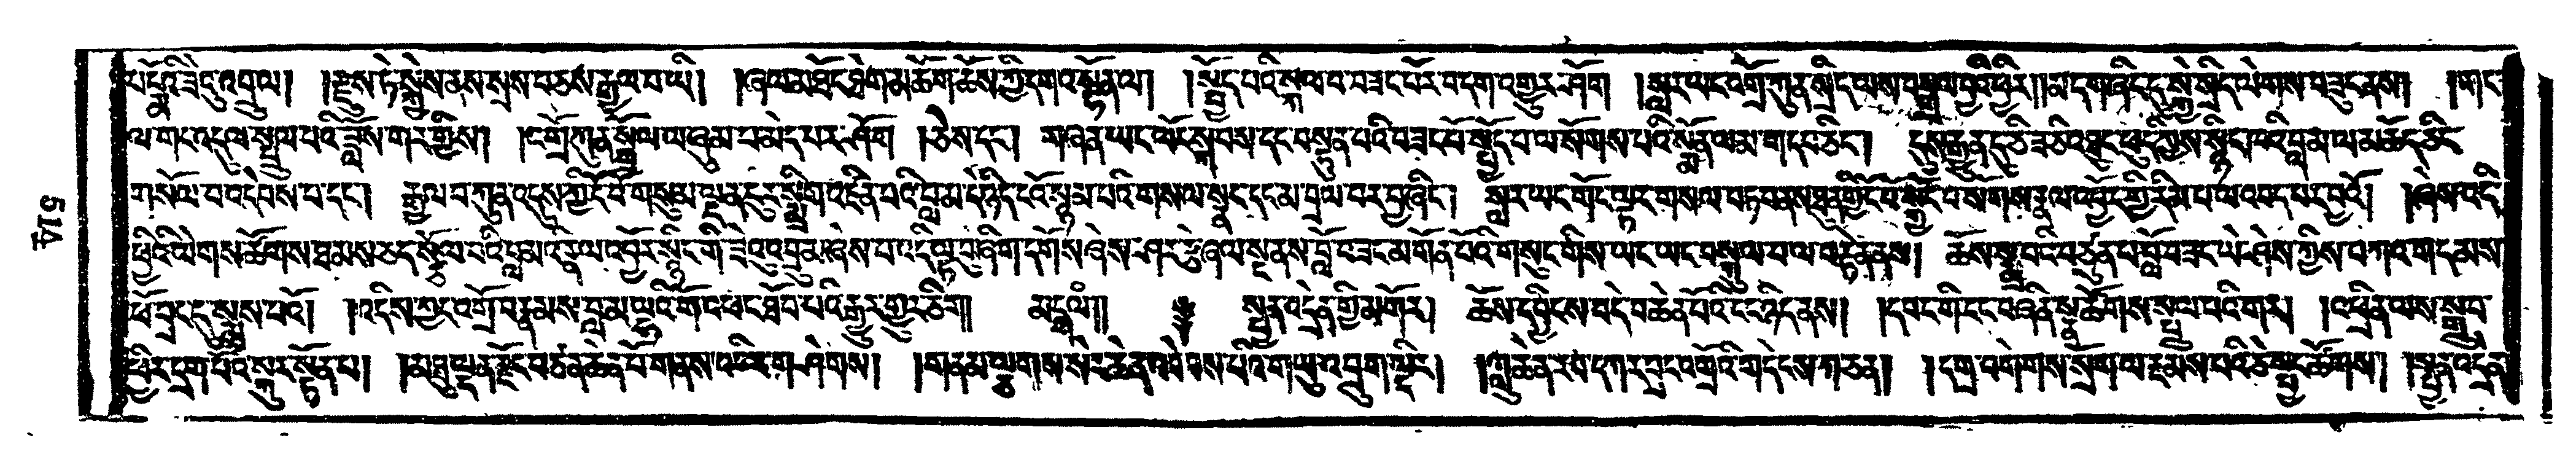པདམོའི་ཟེའུ་འབྲུ་ལ། །རྫུས་ཏེ་སྐྱེས་ནས་སྲས་བཅས་རྒྱལ་བ་ཡི། །ཞལ་མཐོང་ཐེག་མཆོག་ཆོས་ཀྱི་དགའ་སྟོན་ལ། །སྤྱོད་པའི་སྐལ་བ་བཟང་པོར་བདག་འགྱུར་ཤོག །སླར་ཡང་འགྲོ་ཀུན་སྲིད་ལས་བསྒྲལ་བྱའི་ཕྱིར། །མདག་ཞིང་དུ་སྐྱེ་སྲིད་ལེགས་བཟུང་ནས། །གང་
ལ་གང་འདུལ་སྤྲུལ་པའི་ཟློས་གར་གྱིས། །འགྲོ་ཀུན་སྒྲོལ་ལ་ཞུམ་པ་མེད་པར་ཤོག །ཅེས་དང་། གཞན་ཡང་ལོང་སྐབས་དང་བསྟུན་པའི་བཟང་པོ་སྤྱོད་པ་ལ་སོགས་པའི་སྨོན་ལམ་གདབ་ཅིང་། དུས་རྒྱུན་དུ་ཅི་ཟ་ཅི་འཐུང་ཕུད་ཀྱིས་སྙིང་ཁའི་བླ་མ་ལ་མཆོད་ཅིང་
གསོལ་བ་འདེབས་པ་དང་། རྒྱལ་བ་ཀུན་འདུས་ཀྱི་ངོ་བོ་གསུམ་ལྡན་དུར་སྨྲིག་འཛིན་པའི་བླ་མ་དེ་ཉིད་ངའོ་སྙམ་པའི་གསལ་སྣང་དང་མ་བྲལ་བར་བྱ་ཞིང་། སླར་ཡང་གོང་ལྟར་གསལ་བཏབ་ནས་ཐུན་གྱི་ངོ་བོ་སྐྱོང་བ་སོགས་རྣལ་འབྱོར་གྱི་རིམ་པ་ལ་འབད་པར་བྱའོ། །ཞེས་འདི་
ཕྱིའི་ལེགས་ཚོགས་ཐམས་ཅད་སྩོལ་བའི་བླ་མའི་རྣལ་འབྱོར་སྙིང་གི་ཟེའུ་འབྲུམ་ཞེས་པ་འདི་ལྟ་བུ་ཞིག་དགོས་ཞེས་ཤར་རྩེ་ཞལ་སྔ་ནས་བློ་བཟང་མགོན་པོའི་གསུང་གིས་ཡང་ཡང་བསྐུལ་བ་ལ་བརྟེན་ནས། ཆོས་སྨྲ་བའི་བཙུན་པ་བློ་བཟང་ཡེ་ཤེས་ཀྱིས་བཀའ་གདམས་
ཕོ་བྲང་དུ་སྨྲས་པའོ། །འདིས་ཀྱང་འགྲོ་བ་རྣམས་བླ་མ་ལྷའི་གོ་འཕང་ཐོབ་པའི་རྒྱུར་གྱུར་ཅིག །མངྒ་ལཾ།། ༈ སྤྱན་འདྲེན་གྱི་མགོར། ཆོས་དབྱིངས་བདེ་བ་ཆེན་པོའི་ངང་ཉིད་ནས། །དབང་གི་ངང་བཞིན་སྣ་ཚོགས་སྤྲུལ་པའི་གར། །འཕྲིན་ལས་སྒྲུབ་
ཕྱིར་དྲག་པོའི་སྐུར་སྟོན་པ། །མཐུ་ལྡན་རྫོང་བཙན་ཆེན་པོ་གནས་འདིར་གཤེགས། །གནམ་ལྕགས་སེར་ཆེན་འབེབས་པའི་གཡུ་འབྲུག་ལྡིར། །ཀླུ་ཆེན་རབ་དཀར་བྲང་འགྲོའི་གདེངས་ཀ་ཅན། །དགྲ་བགེགས་སྲོག་ལ་རྔམས་པའི་ཅེ་སྤྱང་ཚོགས། །སྤྱན་འདྲེན་